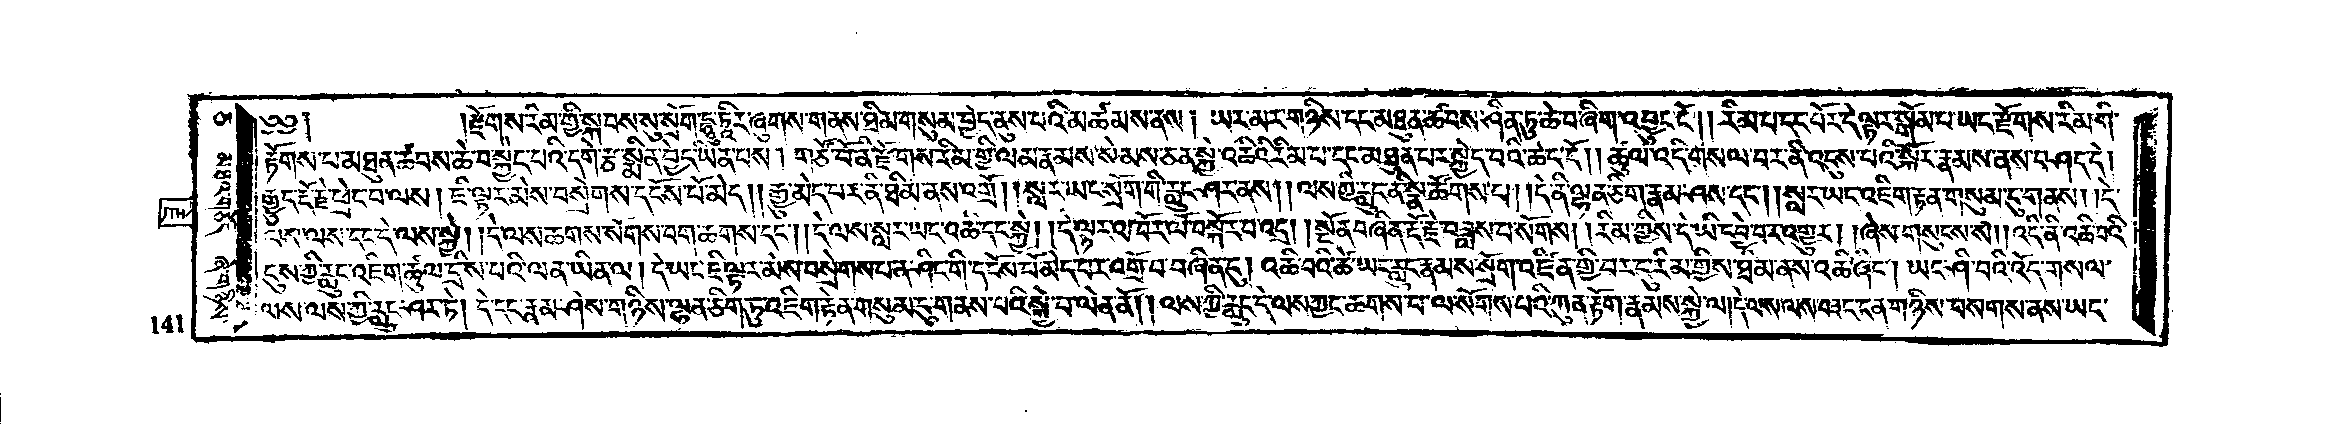༄༅། །རྫོགས་རིམ་གྱི་སྐབས་སུ་སྲོག་དྷཱུ་ཏཱིར་ཞུགས་གནས་ཐིམ་གསུམ་བྱེད་ནུས་པའི་མཚམས་ནས། ཡར་མར་གཉིས་དང་མཐུན་ཚབས་ཤིན་ཏུ་ཆེ་བ་ཞིག་འབྱུང་ངོ། །རིམ་པ་དང་པོར་དེ་ལྟར་སྒོམ་པ་ཡང་རྫོགས་རིམ་གྱི་
རྟོགས་པ་མཐུན་ཚབས་ཆེ་བ་སྐྱེད་པའི་དགེ་རྩ་སྨིན་བྱེད་ཡིན་པས། གཙོ་བོ་ནི་རྫོགས་རིམ་གྱི་ལམ་རྣམས་སེམས་ཅན་སྐྱེ་འཆིའི་རིམ་པ་དང་མཐུན་པར་སྐྱེད་པའི་ཆེད་དོ། །ཚུལ་འདི་གསལ་བར་ནི་འདུས་པའི་སྐོར་རྣམས་ནས་བཤད་དེ།
རྒྱུད་རྡོ་རྗེ་ཕྲེང་བ་ལས། ཇི་ལྟར་མེས་བསྲེགས་དངོས་པོ་མེད། །རྒྱུ་མེད་པར་ནི་ཐིམ་ནས་འགྲོ། །སླར་ཡང་སྲོག་གི་རླུང་ཤར་ནས། །ལས་ཀྱི་རླུང་ནི་སྣ་ཚོགས་པ། །དེ་ནི་ལྷན་ཅིག་རྣམ་ཤེས་དང་། །སླར་ཡང་འཇིག་རྟེན་གསུམ་དུ་གནས། །དེ་
ལས་ལས་དང་དེ་ལས་སྐྱེ། །དེ་ལས་ཆགས་སོགས་བག་ཆགས་དང་། །དེ་ལས་སླར་ཡང་འཆི་དང་སྐྱེ། །དེ་ལྟར་འཁོར་ལོ་བསྐོར་བ་འདྲ། །སྔོན་བཞིན་རྡོ་རྗེ་བཟླས་པ་སོགས། །རིམ་གྱིས་དེ་ཡི་དབྱེ་བར་འགྱུར། །ཞེས་གསུངས་སོ། །འདི་ནི་འཆི་བའི་
དུས་ཀྱི་རླུང་འཇིག་ཚུལ་དྲིས་པའི་ལན་ཡིན་ལ། དེ་ཡང་ཇི་ལྟར་མེས་བསྲེགས་པ་ན་ཤིང་གི་དངོས་པོ་མེད་པར་འགྲོ་བ་བཞིན་དུ། འཆི་བའི་ཚེ་ཡང་རླུང་རྣམས་སྲོག་འཛིན་གྱི་བར་དུ་རིམ་གྱིས་ཐིམ་ནས་འཆི་ཞིང་། ཡང་ཤི་བའི་འོད་གསལ་
ལས་ལས་ཀྱི་རླུང་ཤར་ཏེ། དེ་དང་རྣམ་ཤེས་གཉིས་ལྷན་ཅིག་ཏུ་འཇིག་རྟེན་གསུམ་དུ་གནས་པའི་སྐྱེ་བ་ལེན་ནོ། །ལས་ཀྱི་རླུང་དེ་ལས་ཀྱང་ཆགས་པ་ལ་སོགས་པའི་ཀུན་རྟོག་རྣམས་སྐྱེ་ལ། དེ་ལས་ལས་བཟང་ངན་གཉིས་བསགས་ནས་ཡང་